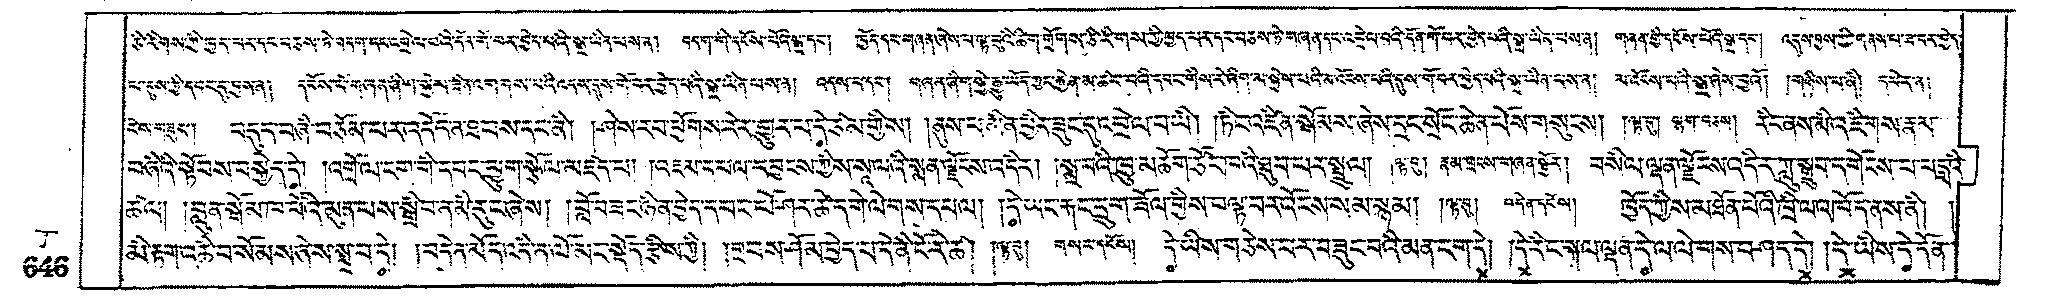ཅི་རིགས་ཀྱི་ཁྱད་པར་དང་བཅས་ཏེ་བདག་དང་འབྲེལ་བའི་དོན་གོ་བར་བྱེད་པའི་སྒྲ་ཡིན་པས་ན། བདག་གི་དངོས་པོའི་སྒྲ་དང་། ཁྱོད་དང་གཞན་ཞེས་པ་ལྟ་བུའི་ཚིག་གྲོགས་ཅི་རིགས་ཀྱི་ཁྱད་པར་དང་བཅས་ཏེ་གཞན་དང་འབྲེལ་བའི་དོན་གོ་བར་བྱེད་པའི་སྒྲ་ཡིན་པས་ན། གཞན་གྱི་དངོས་པོའི་སྒྲ་དང་། འདུས་བྱས་ཀྱི་གནས་པ་ཟ་བར་བྱེད་
པ་དུས་ཀྱི་དབང་དུ་བྱས་ན། དངོས་པོ་གཞན་ཞིག་སྐྱེས་ཟིན་འགགས་པའི་འདས་དུས་གོ་བར་བྱེད་པའི་སྒྲ་ཡིན་པས་ན། འདས་པ་དང་། གཞན་ཞིག་སྐྱེ་རྒྱུ་ཡོད་ཀྱང་རྐྱེན་མ་ཚང་བའི་དབང་གིས་རེ་ཞིག་མ་སྐྱེས་པའི་མ་འོངས་པའི་དུས་གོ་བར་བྱེད་པའི་སྒྲ་ཡིན་པས་ན། མ་འོངས་པའི་སྒྲ་ཞེས་བྱའོ། །གཉིས་པ་ནི། དཔེར་ན།
ངེས་གཟུར། བདུད་བཞི་བཅོམ་པར་འདོད་ན་ཐབས་དང་ནི། །ཤེས་རབ་ཕྱོགས་རེར་གྱུར་པ་དེ྾་ཙམ་གྱིས། །ནུས་པ་མིན་ཕྱིར་ཟུང་དུ་འབྲེལ་བ་ཡི། །ཏིང་འཛིན་སྒོམས་ཞེས་དྲང་སྲོང་ཆེན་པོས་གསུངས། །ལྟ་བུ། ལྷག་བཅས།  རིང་ནས་མི་འཇིགས་རྣམ་་་
བཞིའི་སྟོབས་བསྐྱེད་དེ྾། །འགྲོ་ལ་ངག་གི་དབང་ཕྱུག་རྩོལ་མཛད་པ། །འཇམ་དཔལ་དབྱངས་ཀྱིས་སཱ་ལའི་སྨན་ལྗོངས་འདིར། །སྨྲ་བའི་ཁྱུ་མཆོག་ཙོང་ཁའི་ཐུབ་པར་སྦྲུལ། །ལྟ་བུ། རྣམ་གྲངས་གཞན་སྦྱོར།  བསིལ་ལྡན་ལྗོངས་འདིར་ཀླུ་སྒྲུབ་དགོངས་པ་པདམའི་
ཚལ། །བླུན་སྒོམ་ཁ་ཕོའི་མུན་པས་སྒྲིབ་ན་མི་རུང་ཞེས། །བློ་བཟང་ཉིན་བྱེད་དབང་པོ་ཤར་ཚེ་དགེ་ལེགས་དཔལ། །དེ྾་ཡང་རྐང་དྲུག་ཟོལ་གྱིས་བལྟ་བར་འོངས་སམ་སྙམ། །ལྟ་བུ། བདེན་དངོས།  ཁྱོད་ཀྱིས་མཐོན་པོའི་ཁྲི་ལ་འཁོད་ནས་ནི། །
མི་རྟག་འཆི་བ་སོམས་ཞེས་སྨྲ་བ་དེ྾། །བདེན་མོད་འདི་ན་ལོ་མང་སྡོད་རྩིས་ཀྱི། །གྲབས་ཤོམ་བྱེད་པ་དེ་ནི་ངོ་རེ་ཚ། །ལྟ་བུ། གསང་དངོས།  དེ྾་ཡིས་གཅེས་པར་བཟུང་བའི་མན་ངག་དེ྾། །དེ྾་རིང་སྐལ་ལྡན་དེ྾་ལ་ལེགས་བཤད་དེ྾། །དེ྾་ཡིས་དེ྾་དོན་